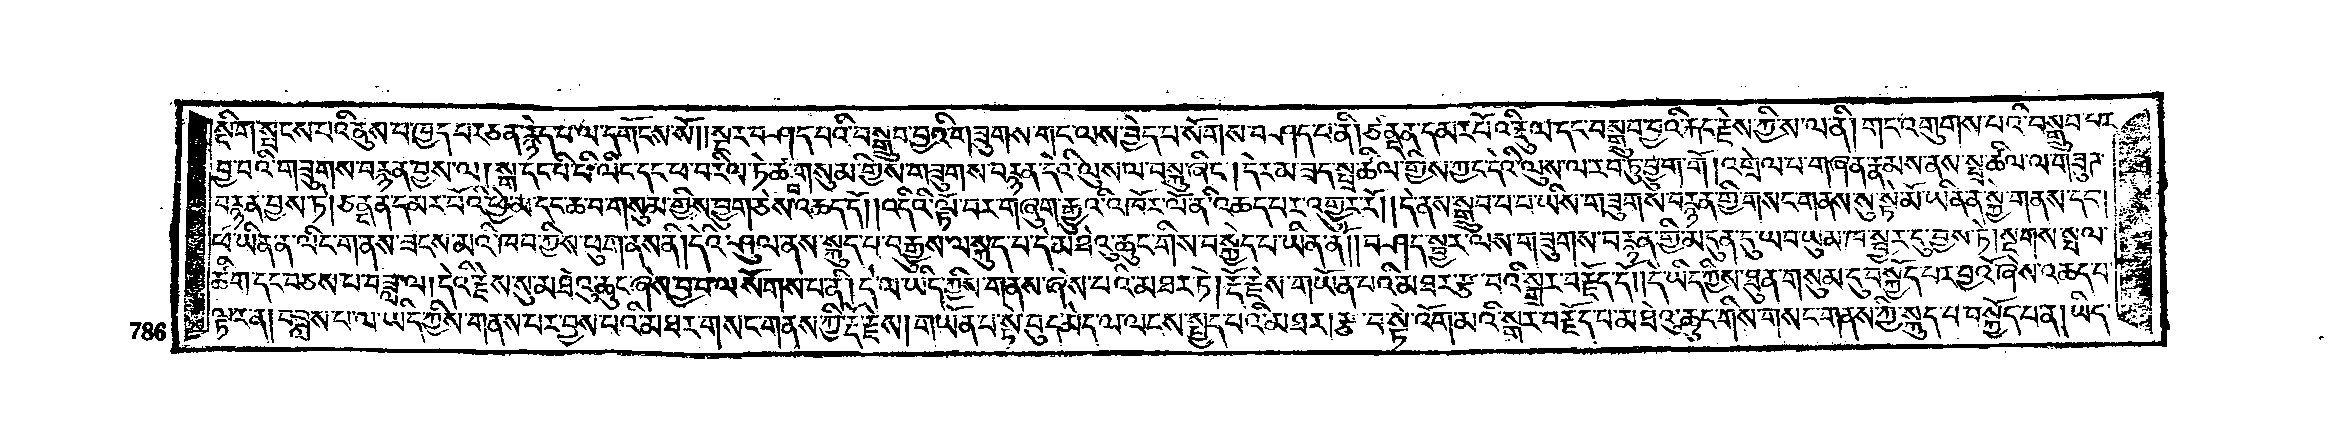སྡིག་སྤངས་པའི་ནུས་པ་ཁྱད་པར་ཅན་རྙེད་པ་ལ་དགོངས་སོ། །སྔར་བཤད་པའི་བསྒྲུབ་བྱའི་གཟུགས་གང་ལས་བྱེད་པ་སོགས་བཤད་པ་ནི། ཙནྡན་དམར་པོའི་རྡུལ་དང་བསྒྲུབ་བྱའི་རྐང་རྗེས་ཀྱི་ས་ལ་ནི། གང་འགུགས་པའི་བསྒྲུབ་པར་
བྱ་བའི་གཟུགས་བརྙན་བྱས་ལ། སྒ་དང་པི་པི་ལིང་དང་ཕ་བ་རིལ་ཏེ་ཚ་བ་གསུམ་གྱིས་གཟུགས་བརྙན་དེའི་ལུས་ལ་བསྐུ་ཞིང་། དེར་མ་ཟད་སྤྲ་ཚིལ་གྱིས་ཀྱང་དེའི་ལུས་ལ་རབ་ཏུ་བྱུག་གོ །འགྲེལ་པ་གཞན་རྣམས་ནས་སྦྲ་ཚིལ་ལ་གཟུགས་
བསྙན་བྱས་ཏེ། ཙནྡན་དམར་པོའི་ཕྱི་མ་དང་ཆ་བ་གསུམ་གྱིས་བྱུག་ཅེས་འཆད་དོ། །འདིའི་ལྟོ་བར་གཞུག་རྒྱུའི་འཁོར་ལོ་ན་འཆད་པར་འགྱུར་རོ། །དེ་ནས་སྒྲུབ་པ་པ་ཡིས་གཟུགས་བརྙན་གྱི་གསང་གནས་སུ་སྟེ་མོ་ཡིན་ན་སྐྱེ་གནས་དང་།
ཕོ་ཡིན་ན་ལིང་ག་ནས་ཟངས་མའི་ཁབ་ཀྱིས་ཕུག་ནས་ནི། དེའི་ཤུལ་ནས་སྐུད་པ་བརྒྱུས་ལ་སྐུད་པ་དེ་མཐེའུ་ཆུང་གིས་བསྐྱད་པ་ཡིན་ནོ། །བཤད་སྦྱར་ལས་གཟུགས་བརྙན་གྱི་མདུན་དུ་ཡབ་ཡུམ་ཁ་སྦྱར་དུ་བྱས་ཏེ། སྔགས་སྤལ་
ཚིག་དང་བཅས་པ་བཟླ་ལ། དེའི་རྗེས་སུ་མཐེའུ་ཆུང་ཞེས་བྱ་བ་ལ་སོགས་པ་ནི། དེ་ལ་ཡིད་ཀྱིས་གནས་ཞེས་པའི་མཐར་ཏེ། རྡོ་རྗེས་གཡོན་པའི་མཐར་རྩ་བའི་སྒྲར་བརྗོད་དོ། །དེ་ཡིད་ཀྱིས་ཐུན་གསུམ་དུ་བསྐྱོད་པར་བྱའོ་ཞེས་འཆད་པ་
ལྟར་ན། བཟླས་པ་ལ་ཡིད་ཀྱིས་གནས་པར་བྱས་པའི་མཐར་གསང་གནས་ཀྱི་རྡོ་རྗེས། གཡོན་པ་སྟེ་བུད་མེད་ལ་ལངས་སྤྱད་པའི་མཐར། རྩ་བ་སྟེ་འོག་མའི་སྒོར་བརྗོད་པ་མཐེའུ་ཆུང་གིས་གསང་གནས་ཀྱི་སྐུད་པ་བསྐྱོད་པ་ན། ཡིད་